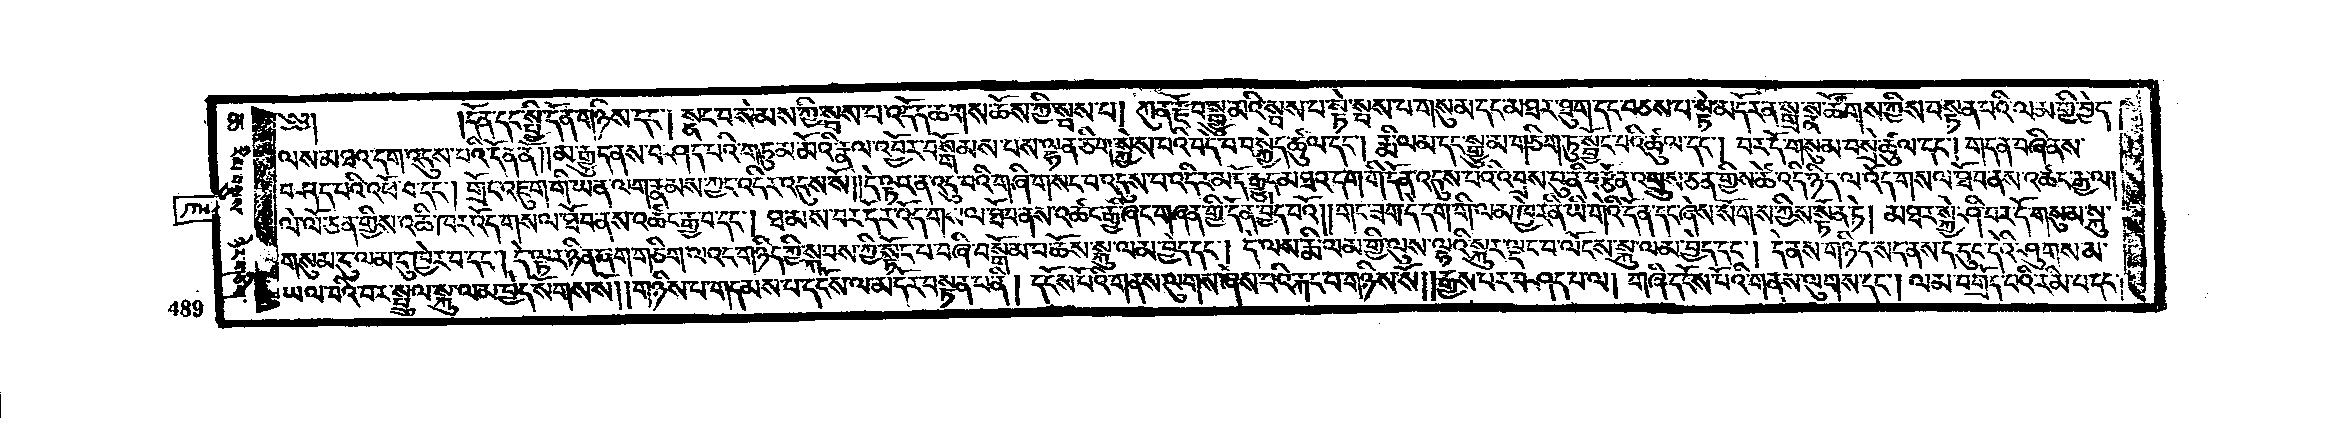༄༅། །དོན་དང་སྤྱི་དོན་གཉིས་དང་། སྣང་བ་སེམས་ཀྱི་སྦས་པ་འདོད་ཆགས་ཆོས་ཀྱི་སྦས་པ། ཀུན་རྫོབ་སྒྱུ་མའི་སྦས་པ་སྟེ་སྦས་པ་གསུམ་དང་མཐར་ཐུག་དང་བཅས་པ་སྟེ་མདོར་ན་སྒྲ་སྣ་ཚོགས་ཀྱིས་བསྟན་པའི་ལམ་གྱི་བྱེད་
ལས་མཐའ་དག་འདུས་པའི་དོན་ནོ། །མ་རྒྱུད་ནས་བཤད་པའི་གཏུམ་མོའི་རྣལ་འབྱོར་བསྒོམས་པས་ལྷན་ཅིག་སྐྱེས་པའི་བདེ་བ་བསྐྱེད་ཚུལ་དང་། རྨི་ལམ་དང་སྒྱུ་མ་གཅིག་ཏུ་སྦྱོང་པའི་ཚུལ་དང་། བར་དོ་གསུམ་བསྲེ་ཚུལ་དང་། གདན་བཞི་ནས་
བཤད་པའི་འཕོ་བ་དང་། གྲོང་འཇུག་གི་ཡན་ལག་རྣམས་ཀྱང་འདིར་འདུས་སོ། །དེ་ལྟར་ན་འདུ་བའི་གཞི་གསང་བ་འདུས་པ་འདིར་མདོ་རྒྱུད་མཐའ་དག་གི་དོན་འདུས་པའི་འབྲས་བུ་ནི་བརྩོན་འགྲུས་ཅན་གྱིས་ཚེ་འདི་ཉིད་ལ་འོད་གསལ་ཐོབ་ནས་འཚང་རྒྱ་ལ།
ལེ་ལོ་ཅན་གྱིས་འཆི་ཁར་འོད་གསལ་ཐོབ་ནས་འཚང་རྒྱ་བ་དང་། ཐ་མས་བར་དོར་འོད་གསལ་ཐོབ་ནས་འཚང་རྒྱ་ཞིང་གཞན་གྱི་དོན་བྱེད་པའོ། །གང་ཟག་དེ་དག་གི་ལམ་ཁྱེར་ནི་ཡི་གེའི་དོན་དང་ཞེས་སོགས་ཀྱིས་ཏོན་ཏེ། མཐར་སྐྱེ་ཤི་བར་དོ་གསུམ་སྐུ་
གསུམ་དུ་ལམ་དུ་ཁྱེར་བ་དང་། དེ་ལྟར་ཉིན་ཞག་གཅིག་ལའང་གཉིད་ཀྱི་སྐབས་ཀྱི་སྟོང་པ་བཞི་བསྒོམ་པ་ཆོས་སྐུ་ལམ་བྱེད་དང་། དེ་ལས་རྨི་ལམ་གྱི་ལུས་ལྷའི་སྐུར་ལྡང་བ་ལོངས་སྐུ་ལམ་བྱེད་དང་། དེ་ནས་གཉིད་སད་ནས་ད་དུང་དེའི་ཤུགས་མ་
ཡལ་བའི་བར་སྤྲུལ་སྐུ་ལམ་བྱེད་སོགས་སོ། །གཉི་སྤ་གདམས་པ་དངོས་ལམ་མདོར་བསྟན་པ་ནི། དངོས་པོའི་གནས་ལུགས་ཞེས་པའི་རྐང་པ་གཉིས་སོ། །རྒྱས་པར་བཤད་པ་ལ། གཞི་དངོས་པོའི་གནས་ལུགས་དང་། ལམ་བགྲོད་པའི་རིམ་པ་དང་།